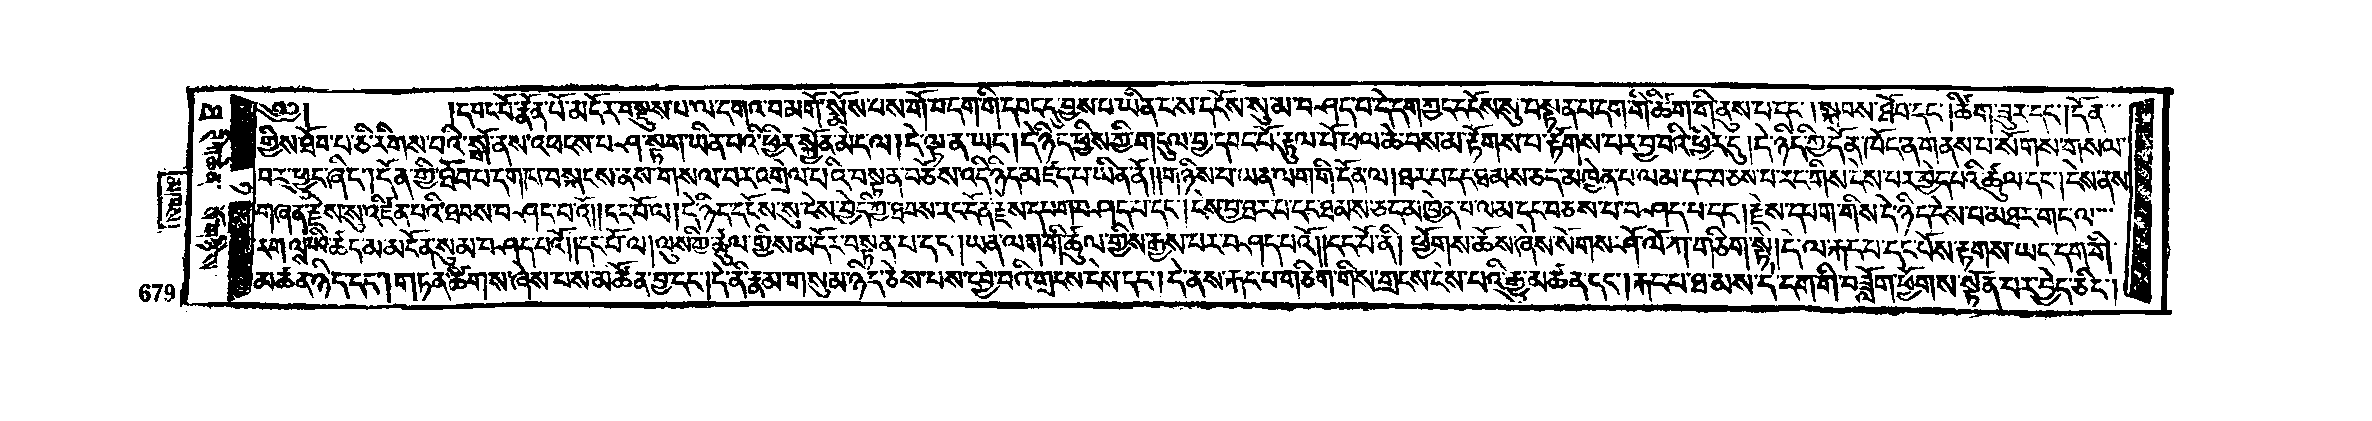༄༅། །དབང་པོ་རྣོན་པོ་མདོར་བསྡུས་པ་ལ་དགའ་བ་མགོ་སྨོས་པས་གོ་བདག་གི་དབང་དུ་བྱས་པ་ཡིན་པས་དངོས་སུ་མ་བཤད་པ་དེ་དག་ཀྱང་དངོས་སུ་བསྟན་པ་དག་གི་ཚིག་གི་ནུས་པ་དང་། སྐབས་ཐོབ་དང་། ཚིག་ཟུར་དང་། དོན་
གྱིས་ཐོབ་པ་ཅི་རིགས་པའི་སྒོ་ནས་འཕངས་པ་ཤ་སྟག་ཡིན་པའི་ཕྱིར་སྐྱོན་མེད་ལ། དེ་ལྟར་ན་ཡང་། དེ་ཉིད་ཕྱིས་ཀྱི་གདུལ་བྱ་དབང་པོ་རྟུལ་པོ་ཕལ་ཆེ་བས་མ་རྟོགས་པ་རྟོགས་པར་བྱ་བའི་ཕྱིར་དུ། དེ་ཉིད་ཀྱི་དོན་ཁོང་ན་གནས་པ་སོགས་གསལ་
བར་ཕྱུང་ཞིང་། དོན་གྱི་ཐོབ་པ་དག་ཁ་བསྐངས་ནས་གསླ་བར་འགྲེལ་པའི་བསྟན་བཅོས་འདི་ཉིད་མཛད་པ་ཡིན་ནོ། །གཉིས་པ་ཡན་ལག་གི་དོན་ལ། ཐར་པ་དང་ཐམས་ཅད་མཁྱེན་པ་ལམ་དང་བཅས་པ་རང་གིས་ངེས་པར་བྱེད་པའི་ཚུལ་དང་། དེས་ནས་
གཞན་རྗེས་སུ་འཛིན་པའི་ཐབས་བཤད་པའོ། །དང་པོ་ལ། དེ་ཉིད་དངོས་སུ་ངེས་བྱེད་ཀྱི་ཐབས་རང་དོན་རྗེས་དཔག་བཤད་པ་དང་། ངེས་བྱ་ཐར་བ་དང་ཐམས་ཅད་མཁྱེན་པ་ལམ་དང་བཅས་པ་བཤད་པ་དང་། རྗེས་དཔག་གིས་དེ་ཉིད་ངེས་པ་མཐར་གང་ལ་
རག་ལས་པའི་ཚད་མ་མངོན་སུམ་བཤད་པའོ། །དང་པོ་ལ། ལུས་ཀྱི་ཚུལ་གྱིས་མདོར་བསྟན་པ་དང་། ཡན་ལག་གི་ཚུལ་གྱིས་རྒྱས་པ་བཤད་པའོ། །དང་པོ་ནི། ཕྱོགས་ཆོས་ཞེས་སོགས་ཤོ་ལོ་ཀ་གཅིག་སྟེ། དེ་ལ་རྐང་པ་དང་པོས་རྟགས་ཡང་དག་གི་
མཚན་ཉིད་དང་། གཏན་ཚིགས་ཞེས་པས་མཚོན་བྱ་དང་། དེ་ནི་རྣམ་གསུམ་ཉིད་ཆེས་པས་དབྱེ་བའི་གྲངས་ངེས་དང་། དེ་ནས་རྐང་པ་གཅིག་གིས་གྲངས་ངེས་པའི་རྒྱུ་མཚན་དང་། རྐང་པ་ཐ་མས་དེ་དག་གི་བཟློག་ཕྱོགས་སྟོན་པར་བྱེད་ཅིང་།